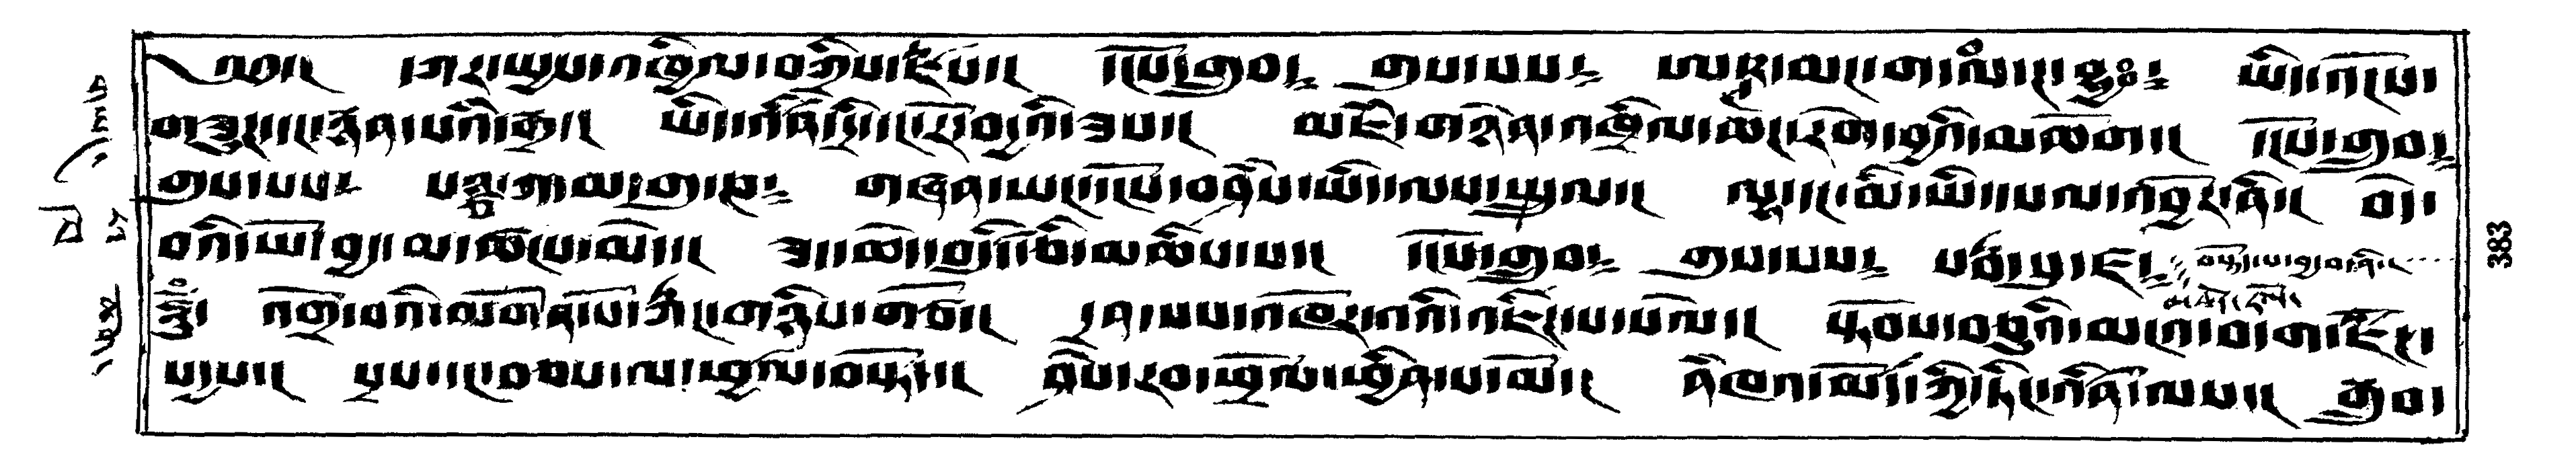དཀར་གཡས་འཁྱིལ་བཀྲ་ཤིས་རྫས། །དངོས་གྲུབ༴ གུས་པས༴ ཨཥྚ་མང་ག་ལཾ་ཌ་བྷྱཿ༴ ཡིད་འོང་
གཟུགས་དང་སྙན་པའི་སྒྲ། །ཡིད་འཛིན་དྲི་དང་རོ་བརྒྱའི་ཟས། །མཇམ་གཉན་འཁྲིལ་ཆག་རེག་བྱའི་མཆོག །དངོས་གྲུབ་༴ 
གུས་པས༴ པཉྩ་ཀ་མ་གུ་ཎ༴ གཞན་ཡང་དངོས་བཤམས་ཡིད་ལས་སྤྲུལ། །ལྷ་དང་མི་ཡི་དཔལ་འབྱོར་ནི། །བདེ་
བའི་ཡོ་བྱད་མ་ཚང་མེད། །ཟད་མེད་བདུད་རྩི་ཅི་མཆིས་པ། །དངོས་གྲུབ༴ གུས་པས༴ སརྦ་པུ་ཛ༴ བསྟོད་པ་བྱ་བ་ནི། 
ཧཱུྃ། འགྲོ་བའི་མགོན་པོ་རྐང་གཉིས་གཙོ། །དྲན་པས་འཁོར་བའི་འཇིགས་པ་སེལ། །སྟོབས་བཅུའི་མངའ་བདག་རྫོགས་
སངས་རྒྱས། །སྲས་དང་བཅས་ལ་ཕྱག་འཚལ་བསྟོད། །ཤེས་རབ་ཕ་རོལ་ཕྱིན་པ་མོ། །ནམ་མཁའ་མཛོད་ཀྱི་ཏིང་འཛིན་ལས། །སྒྲུབ་